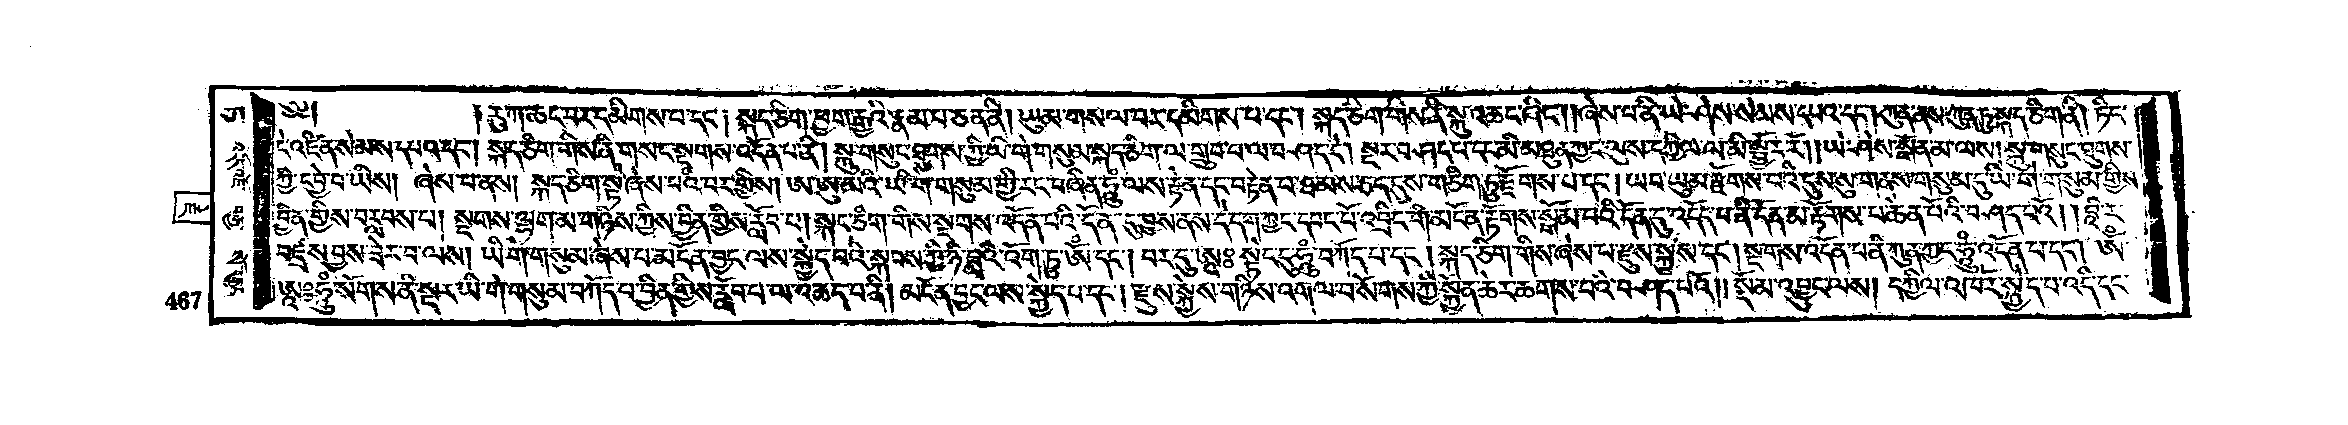༄༅། །རུ་ཀ་ཆང་བར་དམིགས་པ་དང་། སྐད་ཅིག་ཕྱག་རྒྱའི་རྣམ་པ་ཅན་ནི། ཡུམ་གསལ་བར་དམིགས་པ་དང་། སྐད་ཅིག་གིས་ནི་སྐུ་འཆང་ཞིང་། །ཞེས་པ་ནི་ཡེ་ཤེས་སེམས་དཔའ་དང་། ཀུན་ནས་ཀུན་ཏུ་སྐད་ཅིག་ནི། ཏིང་
ངེ་འཛིན་སེམས་དཔའ་དང་། སྐད་ཅིག་གིས་ནི་གསང་སྔགས་འདོན་པ་ནི། སྐུ་གསུང་ཐུགས་ཀྱི་ཡི་གེ་གསུམ་སྐད་ཅིག་ལ་གྲུབ་པ་ལ་བཤད་དེ། སྔར་བཤད་པ་དང་མི་མཐུན་ཀྱང་ལུས་དཀྱིལ་ལ་མི་སྦྱོར་རོ། །ཡེ་ཤེས་སྒྲོན་མ་ལས། སྐུ་གསུང་ཐུགས་
ཀྱི་དབྱེ་བ་ཡིས། ཞེས་པ་ནས། སྐད་ཅིག་སྟེ་ཞེས་པའི་བར་གྱིས། ཨ་ཨུ་མའི་ཡི་གེ་གསུམ་གྱི་རང་བཞིན་ཧཱུཾ་ལས་རྟེན་དང་བརྟེན་པ་ཐམས་ཅད་དུས་གཅིག་ཏུ་རྫོགས་པ་དང་། ཡབ་ཡུམ་རྫོགས་པའི་དུས་སུ་གནས་གསུམ་དུ་ཡི་གེ་གསུམ་གྱིས་
བྱིན་གྱིས་བརླབས་པ། སྔགས་ལྷག་མ་གཉིས་ཀྱིས་བྱིན་གྱིས་རློབ་པ། སྐད་ཅིག་གིས་སྔགས་འདོན་པའི་དོན་དུ་བྱས་ནས་དེ་དག་ཀྱང་དབང་པོ་འབྲིང་གི་མངོན་རྟོགས་སྒོམ་པའི་དོན་དུ་འདོད་པ་ནི་དོན་མ་རྟོགས་པ་ཆེན་པོའི་བཤད་པའོ། །བཱི་ར་
བཛྲས་བྱས་ཟེར་བ་ལས། ཡི་གེ་གསུམ་ཞེས་པ་མངོན་བྱང་ལས་སྐྱེད་པའི་སྐབས་ཀྱི་ཉི་ཟླའི་འོག་ཏུ་ཨོཾ་དང་། བར་དུ་ཨཱཿ སྟེང་དུ་ཧཱུཾ་བཀོད་པ་དང་། སྐད་ཅིག་གིས་ཞེས་པ་རྫུས་སྐྱེས་དང་། སྔགས་འདོན་པ་ནི་ཀུན་ཀྱང་ཧཱུཾ་འདོན་པ་དང་། ཨོཾ་
ཨཱཿ ཧཱུཾ་སོགས་ནི་སྔར་ཡི་གེ་གསུམ་བཀོད་པ་བྱིན་གྱིས་རློབ་པ་ལ་འཆད་པ་ནི། མངོན་བྱང་ལས་སྐྱེད་པ་དང་། རྫུས་སྐྱེས་གཉིས་འགལ་བ་སོགས་ཀྱི་སྐྱོན་ཆེར་ཆགས་པའི་བཤད་པའོ། །སྡོམ་འབྱུང་ལས། དཀྱིལ་འཁོར་སྐྱེད་པ་འདི་དང་